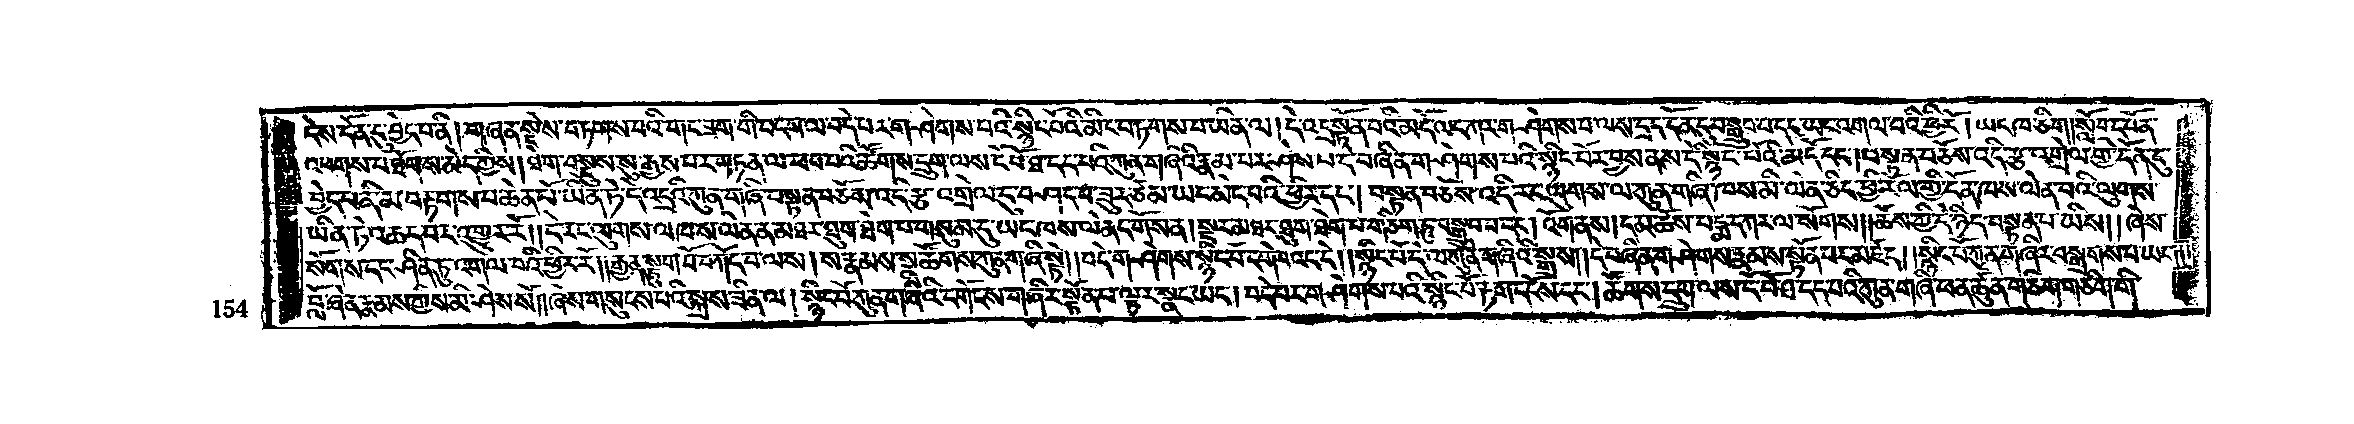ངེས་དོན་དུ་བྱེད་པ་ནི། གཞན་སྡེས་བཏགས་པའི་གང་ཟག་གི་བདག་ལ་བདེ་པར་གཤེགས་པའི་སྙིང་པོའི་མིང་བཏགས་པ་ཡིན་ལ། དེ་འདྲ་སྟོན་པའི་མདོ་ལང་ཀར་གཤེགས་པ་ལས་དྲང་དོན་དུ་བསྒྲུབ་པ་དང་ཡང་འགལ་བའི་ཕྱིར་རོ། ཡང་ཁ་ཅིག །སློབ་དཔོན་
འཕགས་པ་ཐོགས་མེད་ཀྱིས། ཐེག་བསྡུས་སུ་རྒྱས་པར་གཏན་ལ་ཕབ་པའི་ཚོགས་དྲུག་ལས་ངོ་བོ་ཐ་དད་པའི་ཀུན་གཞིའི་རྣམ་པར་ཤེས་པ་དེ་བཞིན་གཤེགས་པའི་སྙིང་པོར་བྱས་ནས་དེ་སྙིང་པོའི་མདོ་དང་། བསྟན་བཅོས་འདི་རྩ་འགྲེལ་གྱི་དོན་དུ་
བྱེད་པ་ནི་མ་བརྟགས་པ་ཆེན་པོ་ཡིན་ཏེ་དེ་འདྲའི་ཀུན་གཞི་བསྟན་བཅོས་འདི་རྩ་འགྲེལ་དུ་བཤད་པ་ཟུར་ཙམ་ཡང་མེད་པའི་ཕྱིར་དང་། བསྟན་བཅོས་འདི་རང་ལུགས་ལ་ཀུན་གཞི་ཁས་མི་ལེན་ཅིང་ཕྱི་རོལ་གྱི་དོན་ཁས་ལེན་པའི་ལུགས་
ཡིན་ཏེ་འཆད་པར་འགྱུར་རོ། །དེ་རང་ལུགས་ལ་ཁས་ལེན་ན་མཐར་ཐུག་ཐེག་པ་གསུམ་དུ་ཡང་ཁས་ལེན་དགོས་ན། སྔར་མཐར་ཐུག་ཐེག་པ་གཅིག་ཏུ་བསྒྲུབ་པ་དང་། འོག་ནས། དམ་ཆོས་པདམ་དཀར་ལ་སོགས། །ཆོས་ཀྱི་དེ་ཉིད་བསྟན་པ་ཡིས། །ཞེས་
སོགས་དང་ཤིན་ཏུ་འགལ་བའི་ཕྱིར་རོ། །རྒྱན་སྟུག་པོ་བཀོད་པ་ལས། ས་རྣམས་སྣ་ཚོགས་ཀུན་གཞི་སྟེ། །བདེ་གཤེགས་སྙིང་པོ་དགེ་བའང་དེ། །སྙིང་པོ་དེ་ལ་ཀུན་གཞིའི་སྒྲས། །དེ་བཞིན་གཤེགས་རྣམས་སྟོན་པར་མཛད། །སྙིང་པོ་ཀུན་གཞིར་བསྒྲགས་པ་ཡང་
བློ་ཞེ་ན་རྣམས་ཀྱིས་མི་ཤེས་སོ། །ཞེས་གསུངས་པའི་སྐྲས་ཟིན་ལ། སྙིང་པོ་ཀུན་གཞིའི་དགོངས་གཞིར་སྟོན་པ་ལྟར་སྣང་ཡང་། བདེ་བར་གཤེགས་པའི་སྙིང་པོ་རྟག་དངོས་དང་། ཚོགས་དྲུག་ལས་ངོ་བོ་ཐ་དད་པའི་ཀུན་གཞི་ཕན་ཚུན་གཅིག་གཅིག་གི་